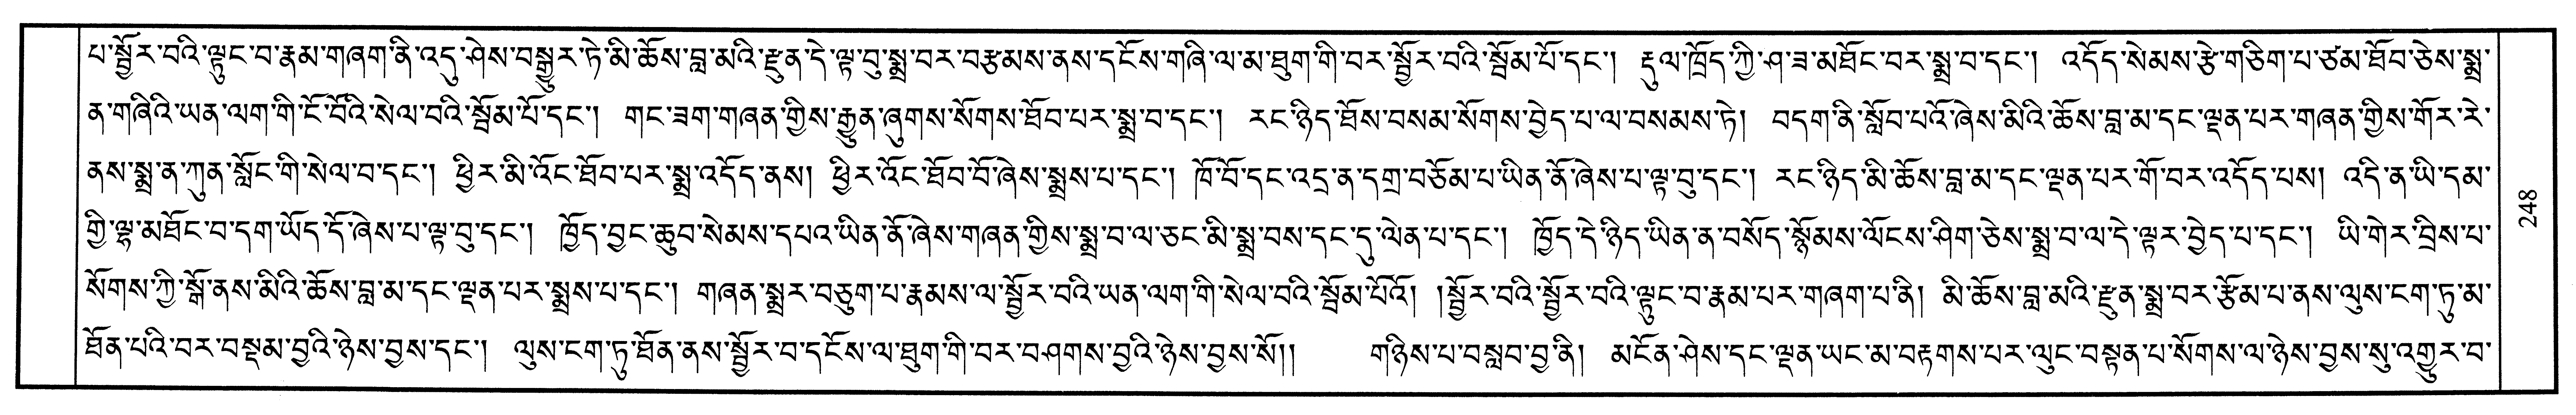པ་སྦྱོར་བའི་ལྟུང་བ་རྣམ་གཞག་ནི་འདུ་ཤེས་བསྒྱུར་ཏེ་མི་ཆོས་བླ་མའི་རྫུན་དེ་ལྟ་བུ་སྨྲ་བར་བརྩམས་ནས་དངོས་གཞི་ལ་མ་ཐུག་གི་བར་སྦྱོར་བའི་སྦོམ་པོ་དང་། རྡུལ་ཁྲོད་ཀྱི་ཤ་ཟ་མཐོང་བར་སྨྲ་བ་དང་། འདོད་སེམས་རྩེ་གཅིག་པ་ཙམ་ཐོབ་ཅེས་སྨྲ་
ན་གཞིའི་ཡན་ལག་གི་ངོ་བོའི་སེལ་བའི་སྦོམ་པོ་དང་། གང་ཟག་གཞན་གྱིས་རྒྱུན་ཞུགས་སོགས་ཐོབ་པར་སྨྲ་བ་དང་། རང་ཉིད་ཐོས་བསམ་སོགས་བྱེད་པ་ལ་བསམས་ཏེ། བདག་ནི་སློབ་པའོ་ཞེས་མིའི་ཆོས་བླ་མ་དང་ལྡན་པར་གཞན་གྱིས་གོར་རེ་
ནས་སྨྲ་ན་ཀུན་སློང་གི་སེལ་བ་དང་། ཕྱིར་མི་འོང་ཐོབ་པར་སྨྲ་འདོད་ནས། ཕྱིར་འོང་ཐོབ་བོ་ཞེས་སྨྲས་པ་དང་། ཁོ་བོ་དང་འདྲ་ན་དགྲ་བཅོམ་པ་ཡིན་ནོ་ཞེས་པ་ལྟ་བུ་དང་། རང་ཉིད་མི་ཆོས་བླ་མ་དང་ལྡན་པར་གོ་བར་འདོད་པས། འདི་ན་ཡི་དམ་
གྱི་ལྷ་མཐོང་བ་དག་ཡོད་དོ་ཞེས་པ་ལྟ་བུ་དང་། ཁྱོད་བྱང་ཆུབ་སེམས་དཔའ་ཡིན་ནོ་ཞེས་གཞན་གྱིས་སྨྲ་བ་ལ་ཅང་མི་སྨྲ་བས་དང་དུ་ལེན་པ་དང་། ཁྱོད་དེ་ཉིད་ཡིན་ན་བསོད་སྙོམས་ལོངས་ཤིག་ཅེས་སྨྲ་བ་ལ་དེ་ལྟར་བྱེད་པ་དང་། ཡི་གེར་བྲིས་པ་
སོགས་ཀྱི་སྒོ་ནས་མིའི་ཆོས་བླ་མ་དང་ལྡན་པར་སྨྲས་པ་དང་། གཞན་སྨྲར་བཅུག་པ་རྣམས་ལ་སྦྱོར་བའི་ཡན་ལག་གི་སེལ་བའི་སྦོམ་པོའོ། །སྦྱོར་བའི་སྦྱོར་བའི་ལྟུང་བ་རྣམ་པར་གཞག་པ་ནི། མི་ཆོས་བླ་མའི་རྫུན་སྨྲ་བར་རྩོམ་པ་ནས་ལུས་ངག་ཏུ་མ་
ཐོན་པའི་བར་བསྡམ་བྱའི་ཉེས་བྱས་དང་། ལུས་ངག་ཏུ་ཐོན་ནས་སྦྱོར་བ་དངོས་ལ་ཐུག་གི་བར་བཤགས་བྱའི་ཉེས་བྱས་སོ།། གཉིས་པ་བསླབ་བྱ་ནི། མངོན་ཤེས་དང་ལྡན་ཡང་མ་བརྟགས་པར་ལུང་བསྟན་པ་སོགས་ལ་ཉེས་བྱས་སུ་འགྱུར་བ་